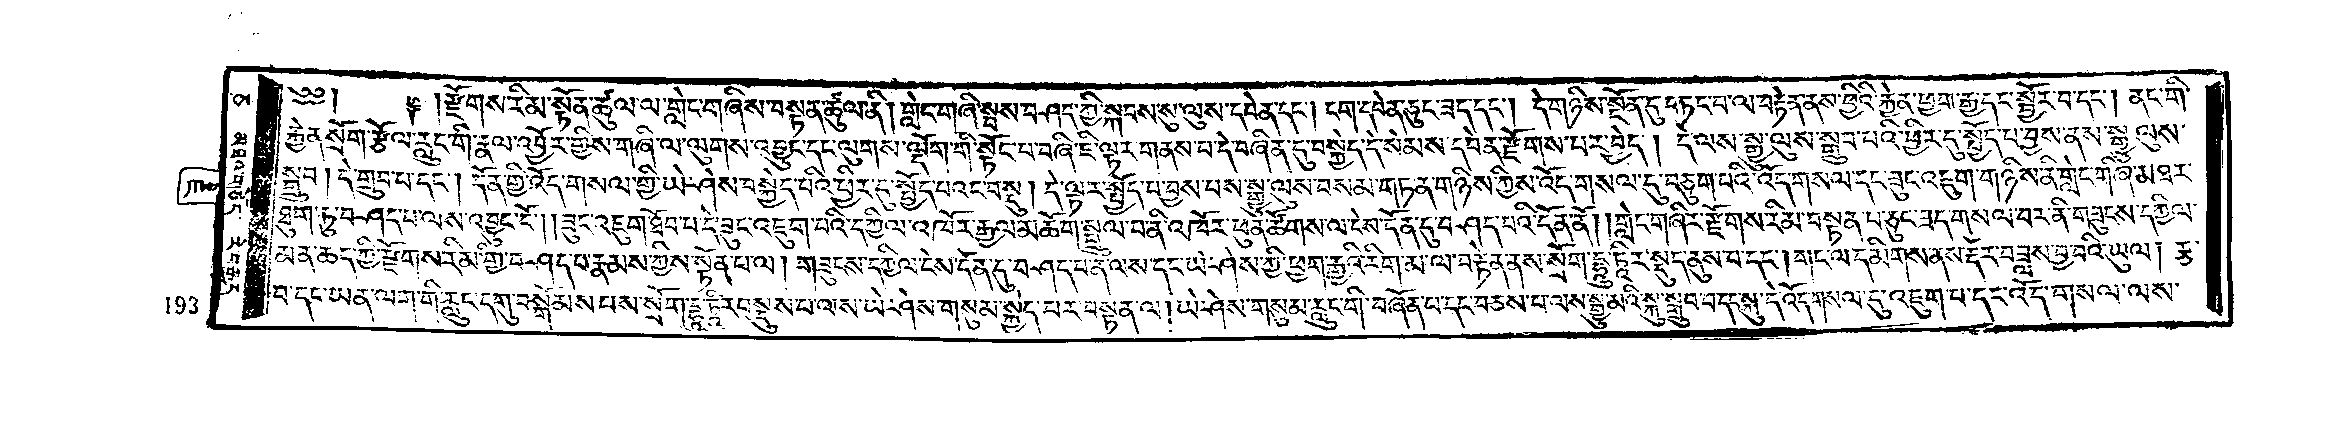༄༅། ༈ །རྫོགས་རིམ་སྟོན་ཚུལ་ལ་གླེང་གཞིས་བསྟན་ཚུལ་ནི། གླེང་གཞི་སྦས་བཤད་ཀྱི་སྐབས་སུ་ལུས་དབེན་དང་། ངག་དབེན་ཅུང་ཟད་དང་། དེ་གཉིས་སྔོན་དུ་བཏང་བ་ལ་བརྟེན་ནས་ཕྱིའི་རྐྱེན་ཕྱག་རྒྱ་དང་སྦྱོར་བ་དང་། ནང་གི་
རྐྱེན་སྲོག་རྩོལ་རླུང་གི་རྣལ་འབྱོར་གྱིས་གཞི་ལ་ལུགས་འབྱུང་དང་ལུགས་ལྡོག་གི་སྟོང་པ་བཞི་ཇི་ལྟར་གནས་པ་དེ་བཞིན་དུ་བསྐྱེད་དེ་སེམས་དབེན་རྫོགས་པར་བྱེད། དེ་ལས་སྒྱུ་ལུས་སྒྲུབ་པའི་ཕྱིར་དུ་སྤྱོད་པ་བྱས་ནས་སྒྱུ་ལུས་
སྒྲུབ། དེ་གྲུབ་པ་དང་། དོན་གྱི་འོད་གསལ་གྱི་ཡེ་ཤེས་བསྐྱེད་པའི་ཕྱིར་དུ་སྤྱོད་པའང་བསྡུ། དེ་ལྟར་སྤྱོད་པ་བྱས་པས་སྒྱུ་ལུས་བསམ་གཏན་གཉིས་ཀྱིས་འོད་གསལ་དུ་བཅུག་པའི་འོད་གསལ་དང་ཟུང་འཇུག་གཉིས་ནི་གླེང་གཞི་མཐར་
ཐུག་ཏུ་བཤད་པ་ལས་འབྱུང་ངོ། །ཟུང་འཇུག་ཐོབ་པ་དེ་ཟུང་འཇུག་པའི་དཀྱིལ་འཁོར་རྒྱལ་མཆོག་སྤྲུལ་བ་ནི་འཁོར་ཕུན་ཚོགས་ལ་ངེས་དོན་དུ་བཤད་པའི་དོན་ནོ། །གླེང་གཞིར་རྫོགས་རིམ་བསྟན་པ་ཅུང་ཟད་གསལ་བར་ནི་གཟུངས་དཀྱིལ་
མན་ཆད་ཀྱི་རྫོགས་རིམ་གྱི་བཤད་པ་རྣམས་ཀྱིས་སྟོན་པ་ལ། གཟུངས་དཀྱིལ་ངེས་དོན་དུ་བཤད་པ་ན་ལས་དང་ཡེ་ཤེས་ཀྱི་ཕྱག་རྒྱའི་རིག་མ་ལ་བརྟེན་ནས་སྲོག་དྷཱུ་ཏཱིར་སྡུད་ནུས་པ་དང་། གང་ལ་དམིགས་ནས་རྡོར་བཟླས་བྱ་བའི་ཡུལ། རྩ་
བ་དང་ཡན་ལག་གི་རླུང་དགུ་བསྒོམས་པས་སྲོག་དྷཱུ་ཏཱིར་བསྡུས་པ་ལས་ཡེ་ཤེས་གསུམ་སྐྱེད་པར་བསྟན་ལ། ཡེ་ཤེས་གསུམ་རླུང་གི་བཞོན་པ་དང་བཅས་པ་ལས་སྒྱུ་མའི་སྐུ་སྒྲུབ་པ་དང་སྐུ་དེ་འོད་གསལ་དུ་འཇུག་པ་དང་འོད་གསལ་ལས་